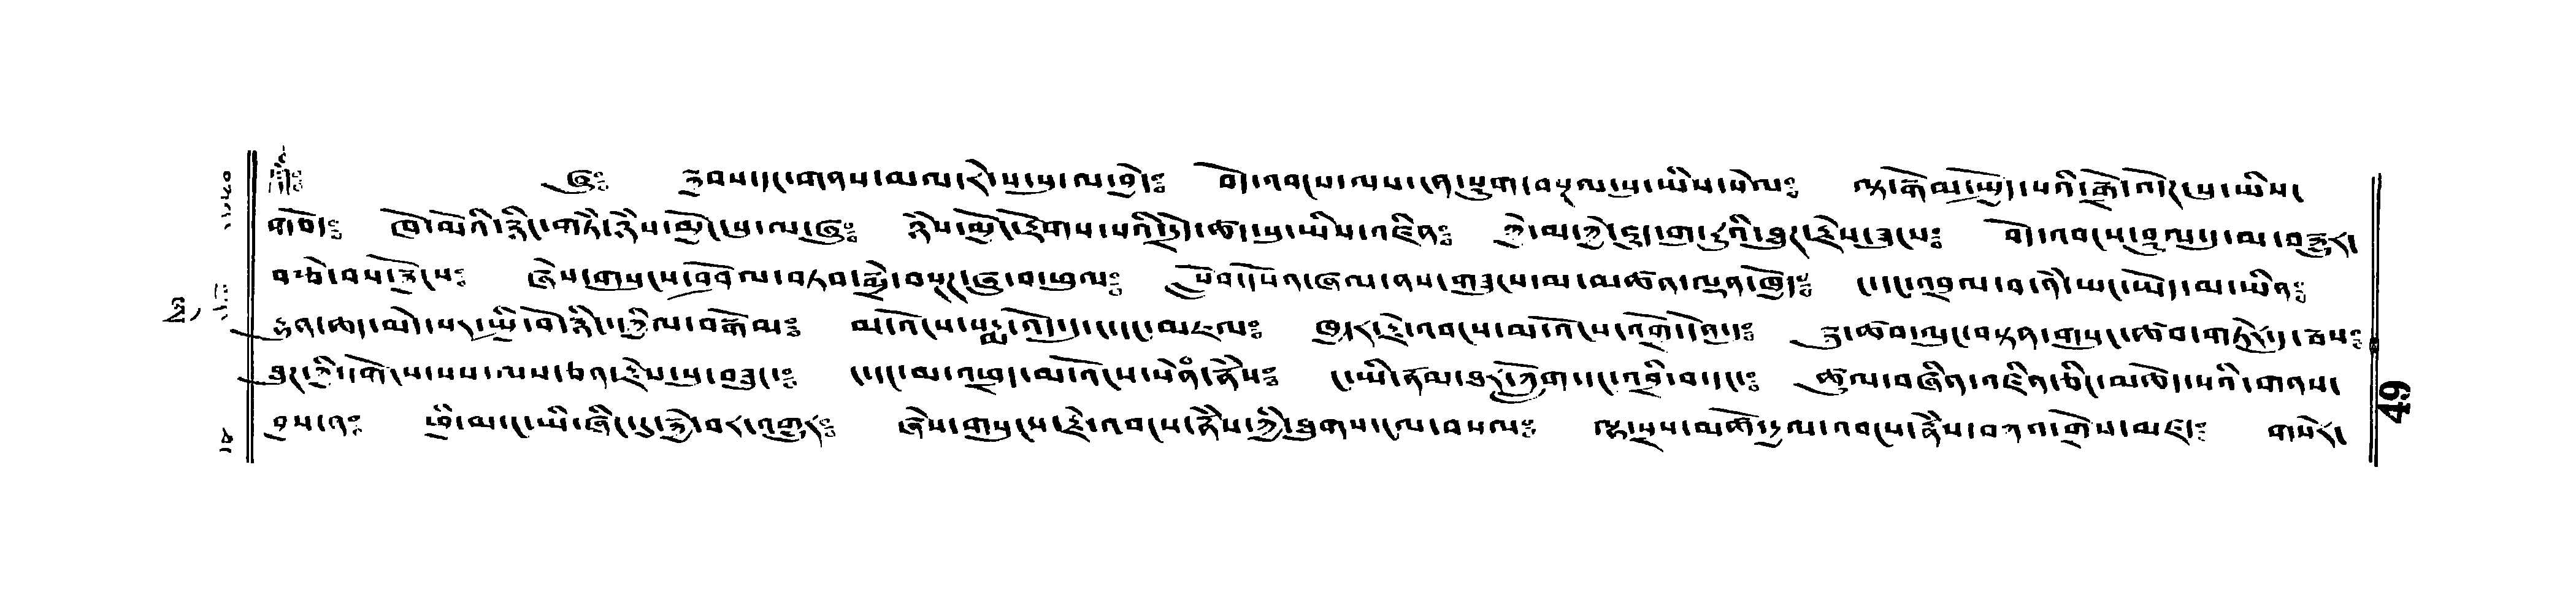ཞུ༔ སྐྱབས་དང་གནས་མལ་རེ་ས་སུ་ལ་བྱེད༔ བོད་འབངས་ལས་ངན་སྡུག་བསྔལ་སུ་ཡིས་སེལ༔ ལྟ་སྒོམ་སྤྱོད་པའི་སྒྲོ་འདོགས་སུ་ཡིས་
གཅོད༔ཁོ་མོའི་སྙིང་གཏམ་ཉམས་མྱོང་སུ་ལ་ཞུ༔ ཉམས་མྱོང་རྟོགས་པའི་དྲོད་ཚད་སུ་ཡིས་འཛིན༔ ཀྱེ་མ་ཀྱེ་ཧུད་གུ་རུའི་ཐུགས་རྗེས་ཟུངས༔ བོད་འབངས་ཤུལ་དུ་མ་བསྐྱུར་
བརྩེ་བས་སྐྱོངས༔ ཞེས་གསུངས་བཤོལ་བཏབ་སྨྲེ་བསྔགས་ཞུ་བ་ཕུལ༔ སློབ་དཔོན་ཞལ་ནས་གཟུངས་མ་མཚན་ལྡན་ཁྱོད༔ ང་དང་འབྲལ་བ་ནམ་ཡང་ཡོད་མ་ཡིན༔ 
རྒྱུན་ཆད་མེད་པར་སྤྱི་བོ་སྙིང་དཀྱིལ་སྒོམས༔ མ་འོངས་པདྨ་འོད་དུ་ང་དང་མཇལ༔ ཁྱད་པར་རྗེ་འབངས་མ་འོངས་འགྲོ་དོན་དུ༔ སྐུ་ཚབ་ལུང་བསྟན་གསུང་ཚབ་གཏེར་དུ་སྦས༔ 
ཐུགས་ཀྱི་དགོངས་པས་ལས་ཅན་རྗེས་སུ་བཟུང༔ ང་དང་མ་འཕྲད་མ་འོངས་སེམས་ཅན་རྣམས༔ ང་ཡི་རྣམ་ཐར་ཀློག་དང་འབྲི་བ་དང༔ ཚུལ་བཞིན་འཛིན་ཞིང་མཆོད་པའི་གནས་
བྱས་ན༔ ཕྱི་མ་ང་ཡི་ཞིང་དུ་སྐྱེ་བར་འགྱུར༔ ཞེས་གསུངས་རྗེ་འབངས་རྣམས་ཀྱི་ཐུགས་ངལ་བསལ༔ ལྷ་སྲས་མཚོ་རྒྱལ་འབངས་རྣམས་བཀའ་གྲོས་མཛད༔ གསེར་